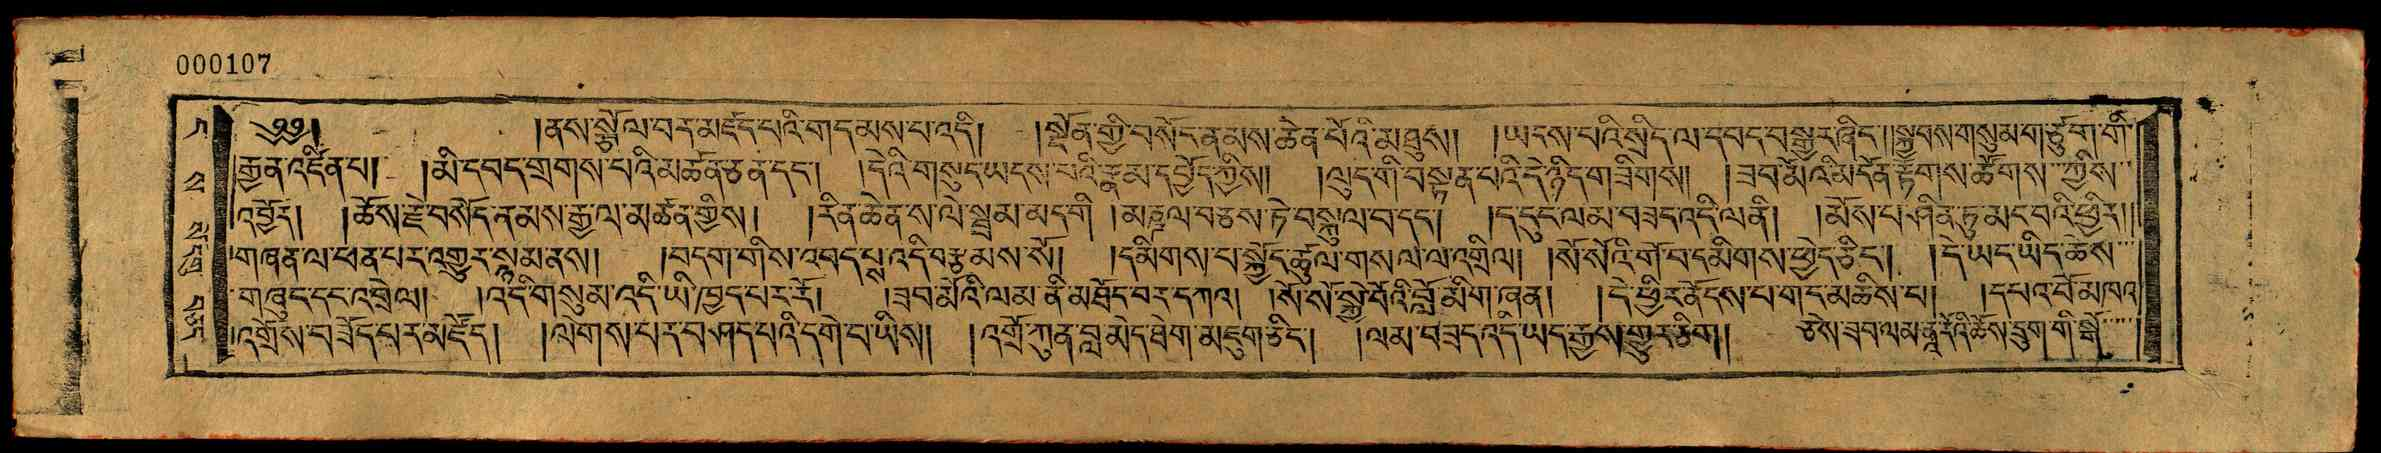༄༅། །ནས་སྩོལ་བར་མཛད་པའི་གདམས་པ་འདི། །སྔོན་གྱི་བསོད་ནམས་ཆེན་པོའི་མཐུས། །ཡོངས་པའི་སྲིད་ལ་དབང་བསྒྱུར་ཞིང་། །སྐྱབས་གསུམ་གཙུག་གི་
རྒྱན་འཛིན་པ། །མི་དབང་གྲགས་པའི་མཚན་ཅན་དང་། །དེའི་གཅུང་ཡངས་པའི་རྣམ་དཔྱོད་ཀྱིས། །ལུང་གི་བསྟན་བའི་དེ་ཉིད་གཟིགས། །ཟབ་མོའི་མངོན་རྟོགས་ཚོགས་ཀྱིས་
འབྱོར། །ཆོས་རྗེ་བསོད་ནམས་རྒྱལ་མཚན་གྱིས། །རིན་ཆེན་ས་ལེ་སྦྲམ་མང་གི །མཎྜལ་བཅས་ཏེ་བསྐུལ་བ་དང་། །ད་དུང་ལམ་བཟང་འདི་ལ་ནི། །མོས་པ་ཤིན་ཏུ་མང་བའི་ཕྱིར།།
གཞན་ལ་ཕན་པར་འགྱུར་སྙམ་ནས། །བདག་གིས་འབད་པ་འདི་བརྩམས་སོ། །དམིགས་པ་སྐྱོང་ཚུལ་གསལ་ལ་འགྲིལ། །སོ་སོའི་གོ་བ་དམིགས་ཕྱེད་ཅིང་། །དེ་ཡང་ཡིད་ཆེས་
གཞུང་དང་འབྲེལ། །འདི་གསུམ་འདི་ཡི་ཁྱད་པར་རོ། །ཟབ་མོའི་ལམ་ནི་མཐོང་བར་དཀའ། །སོ་སོ་སྐྱེ་བོའི་བློ་མིག་ཞན། །དེ་ཕྱིར་ནོངས་པ་གང་མཆིས་པ། །དཔའ་བོ་མཁའ་
འགྲོས་བཟོད་པར་མཛོད། །ལེགས་པར་བཤད་པའི་དགེ་བ་ཡིས། །འགྲོ་ཀུན་བླ་མེད་ཐེག་མཇུག་ཅིང་། །ལམ་བཟང་འདི་ཡང་རྒྱས་གྱུར་ཅིག། ཅེས་ཟབ་ལམ་ནཱ་རོའི་ཆོས་དྲུག་གི་སྒོ་